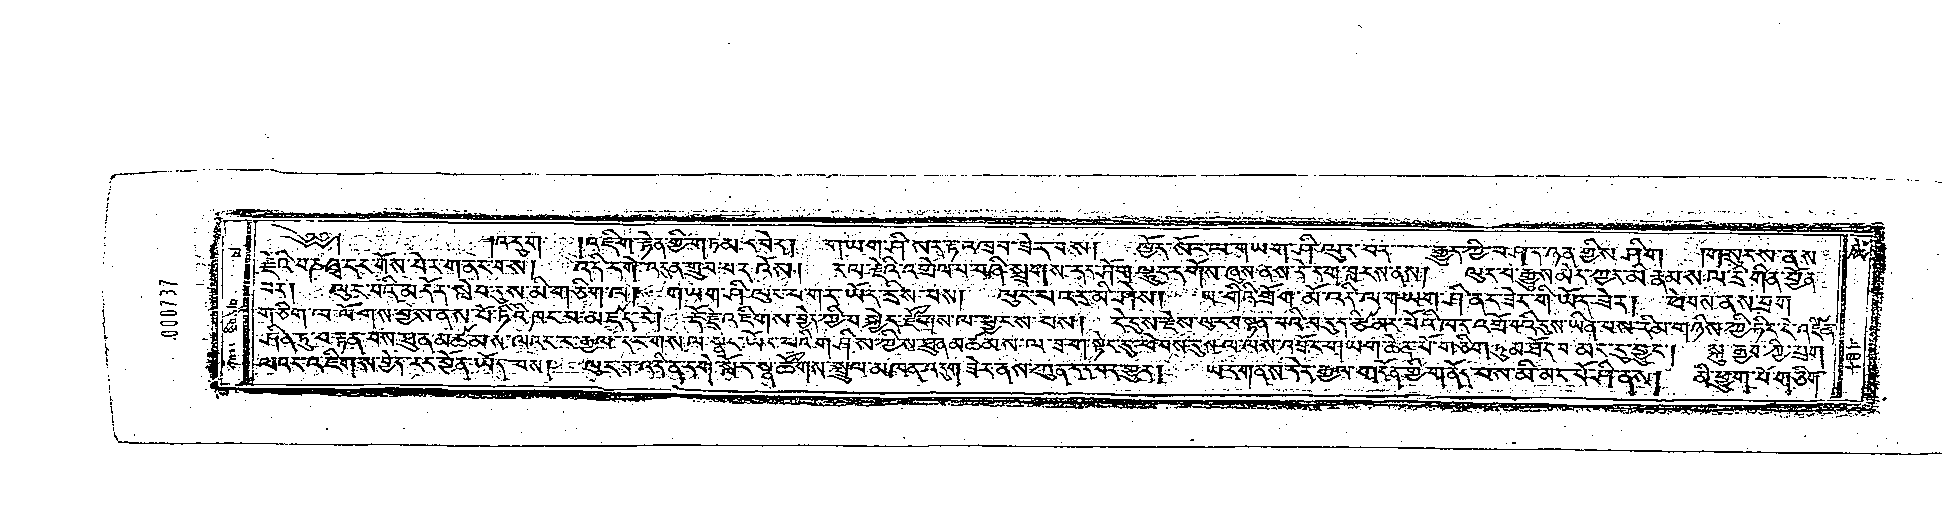༄༅། །འདུག །འཇིག་རྟེན་གྱི་གཏམ་དབེར། གཡག་ཤི་སར་རྟ་འཁྲབ་ཟེར་བས། ཁྱོད་སོང་ལ་གཡག་ཤི་ལུང་པར་རྒྱུད་ཀྱི་བཤད་ཉན་གྱིས་ཤིག །གསུངས་ནས་
རྗེའི་པཎ་ཞྭ་དང་གོས་བེར་གནང་བས། འདི་དགེ་འདུན་གྲུབ་པར་འོས། ངལ་རྗེའི་འགྲེལ་པ་བཞི་སྦྲགས་དང་ཤོག་ལྷུང་དགོས་ཞུས་ནས་དེ་དག་བླངས་ནས། ལུང་པ་རྒྱུས་མེད་ཀྱང་མི་རྣམས་ལ་དྲི་གིན་བྱོན་
བར། ལུང་པའི་མདོར་སླེབ་དུས་མི་གཅིག་ལ། གཡག་ཤི་ལུང་པ་གར་ཡོད་དྲིས་པས། ལུང་པ་འདྲ་མི་ཤེས། ཡ་གིའི་གྲོག་མོ་འདི་ལ་གཡག་ཤི་ནད་ཟེར་གི་ཡོད་ཟེར། ཕེབས་ནས་བྲག་
གཅིག་ལ་ལོགས་བྱས་ནས་པོ་ཏིའི་ཁང་པ་མཛད་དེ། རྡོ་རྗེ་འཇིགས་བྱེད་ཀྱི་བསྐྱེད་རྫོགས་ལ་སྦྱངས་པས། དེ་དུས་རྗེས་ལུང་བསྟན་པའི་བདུད་རྩི་མང་པོའི་ཁང་འགྲོ་བའི་དུས་ཡིན་པས་རིམ་གཉིས་ཀྱི་ཏིང་ངེ་འཛིན་
ཤིན་ཏུ་བརྟན་བས་ཐུན་མཚམས་ལའང་ང་རྒྱལ་དང་གསལ་སྣང་ཡོད་པའི་གཤིས་ཀྱིས་ཐུན་མཚམས་ལ་བྲག་སྟེང་དུ་ཕེབས་དུས་ལ་ལས་འབྲོང་གཡག་ཆེན་པོ་གཅིག་ཏུ་མཐོད་བ་མང་དུ་བྱུང་། སྐུ་རྒྱབ་ཀྱི་བྲག་
ལའང་འཇིགས་བྱེད་རང་བྱོན་ཡོད་པས། ལུང་པ་འདི་ན་དགེ་སློང་སྣ་ཚོགས་སྤྲུལ་མཁན་འདུག་ཟེར་ནས་ཀུན་དད་པར་གྱུར། ཡང་གནས་དེར་རྒྱལ་གདོན་གྱི་གནོད་པས་མི་མང་པོ་ཤི་ནས། མི་ཕྱུག་པོ་གཅིག་